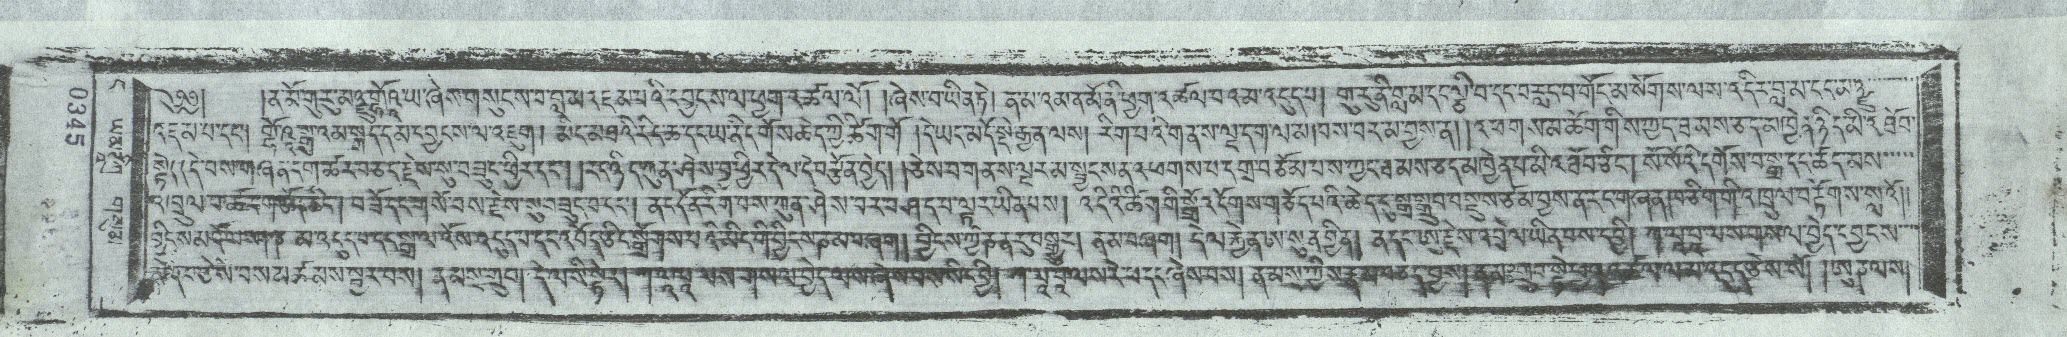༄༅། །ན་མོ་གུ་རུ་མཉྫུ་གྷོཥཱ་ཡ་ཞེས་གསུངས་བ་བླ་མ་འཇམ་པའི་དབྱངས་ལ་ཕྱག་འཚལ་ལོ། །ཞེས་བ་ཡིན་ཏེ། ནམ་འམ་ན་མོ་ནི་ཕྱག་འཚལ་བའམ་འདུད་པ། གུ་རུ་ནི་བླ་མ་དང་ལྕི་བ་དང་བ་རླང་བ་གོང་མ་སོགས་ལས་འདིར་བླ་མ་དང་མཉྫུ་
འཇམ་པ་དང་། གྷོ་ཥཱ་སྒྲ་འམ་སྒད་དམ་དབྱངས་ལ་འཇུག། མིང་མཐའི་རིང་ཆ་དང་ཡིན་དགོས་ཆེད་ཀྱི་ཚིག་གོ །དེ་ཡང་མདོ་སྡེ་རྒྱན་ལས། རིག་པའི་གནས་ལྔ་དག་ལ་མཁས་བར་མ་བྱས་ན། །འཕགས་མཆོག་གིས་ཀྱང་ཐམས་ཅད་མཁྱེན་ཉིད་མི་འཐོབ་
སྟེ༑ ༑དེ་པས་གཞན་དག་ཚར་བཅད་རྗེས་སུ་བཟུང་ཕྱིར་དང་། །རང་ཉིད་ཀུན་ཤེས་བྱ་ཕྱིར་དེ་ལ་དེ་བརྩོན་བྱེད། །ཅེས་བ་གནས་ལྔར་མ་སྦྱངས་ན་འཕགས་པ་དགྲ་བཅོམ་པས་ཀྱང་ཐམས་ཅད་མཁྱེན་པ་མི་འཐོབ་ཅིང་། སོ་སོའི་དགོས་བ་སྒྲ་དང་ཚད་མས་
འཁྲུལ་པ་ཚར་གཅོད་ཅིང་། བཟོ་དང་གསོ་བས་རྗེས་སུ་བཟུང་པ་དང་། ནང་དོན་རིག་པས་ཀུན་ཤེས་བར་བཤད་པ་ལྟར་ཡིན་པས། འདིའི་ཚིག་གི་སྒྲོ་འདོགས་གཅོད་པའི་ཆེད་དུ་སྒྲ་སྒྲུབ་བསྡུས་ཙམ་བྱས་ན་རང་གཞན་ཁ་ཅིག་གི་འཁྲུལ་བརྟོགས་སླའོ།།
བྱིངས་མདོ་ལས། །??  བདུད་པ་དང་གྲ་པའོ་མ་འདུད་པ་རང་འབོད་ཅིང་སྒྲོགས་པའི་མིང་གི་བྱིངས་ཎམ་བཞག། བྱིངས་ཀྱི་ཎན་རུ་བསྒྱུར། ནམ་བཞག། དེ་ལ་རྐྱེན་ཨ་སུན་བྱིན། ན་དང་ཨུ་རྗེས་འབྲེལ་ཡིན་བས་དབྱི། ཀ་ལཱ་པཱ་ལས་གསལ་བྱེད་དབྱངས་
མེད་བ་ཅེས་པས་མཚམས་སྦྱར་བས། ནམས་གྲུབ། དེ་ལ་སི་སྙེར། ཀ་ལཱ་པཱ་ལས་གསལ་བྱེད་ལས་ཞེས་པས་སི་དབྱི། ཀ་ལཱ་བཱ་ལས་རེ་པ་དང་ཞེས་བས། ནམས་ཀྱིས་རྣམ་བཅད་བྱས། ན་མཿགྲུབ་སྟེ་ཕྱག་འཚལ་ལམ་འདུད་རྩེས་སོ། །ཨུ་ཎ་ལས།